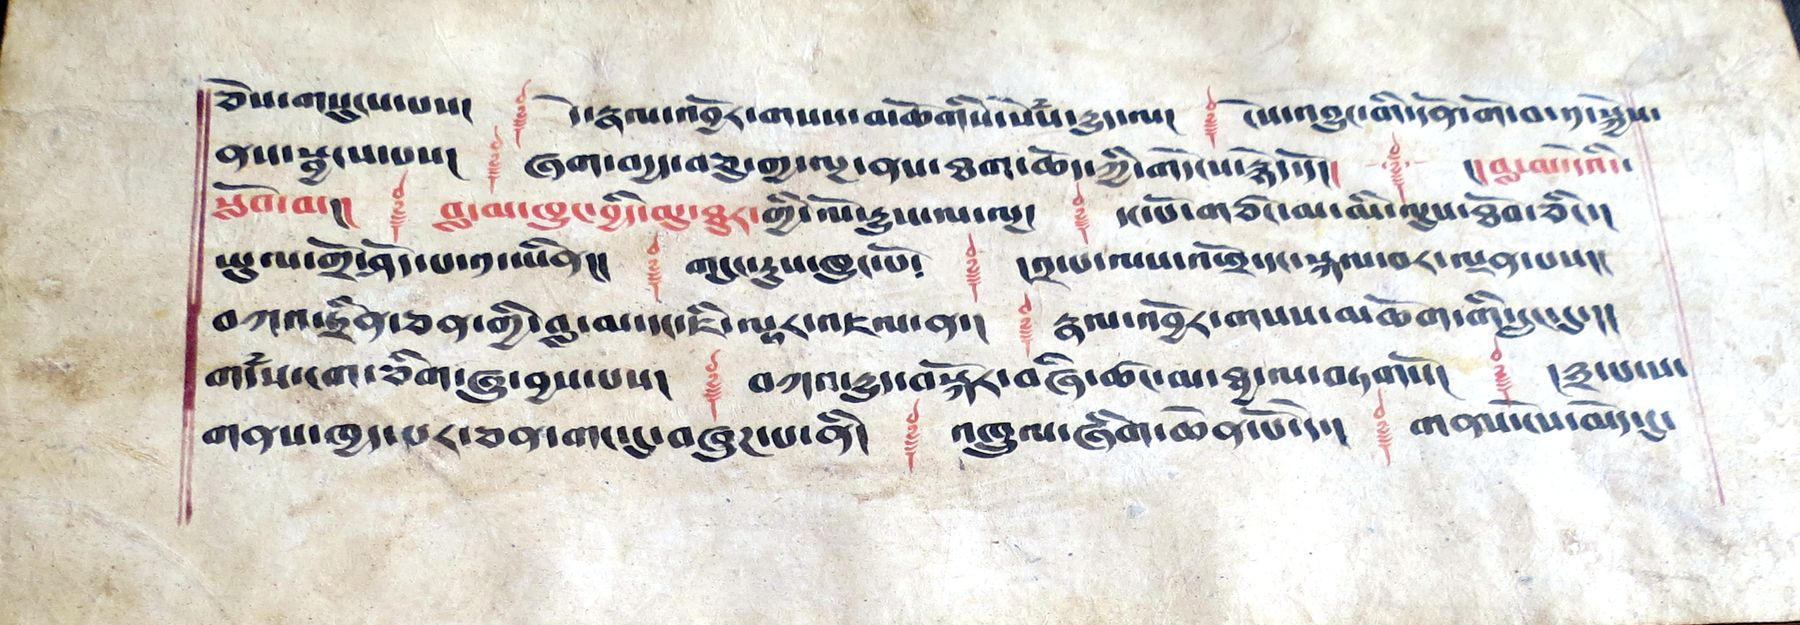ཅེས་གསུངས་པས། དེ་རྣལ་འབྱོར་གསས་མཆོག་གི་སེམས་རྒྱུད་ལ། ངེས་འབྱུང་གི་དོན་གོ་བ་ཞིག་སྐྱེད་
ནས་སྦྱངས་པས། ཞག་བརྒྱད་ཅུ་གྱ་ལྔ་ནས་ཐག་ཆོད་ཀྱི་གདེང་རྙེད་དོ། ། བླ་མ་དེའི་
སློབ་མ་ནི། བླ་མ་ཁྱུང་བྱིད་མུ་ཐུར་གྱི་ལོ་རྒྱུས་ལ་ལྔ། དང་པོ་གཙང་མ་མི་ལུས་ཐོབ་ཅིང་། 
ཡུལ་གྲོ་ཤོད་པ་ཞིག་ཡིན། གདུང་རུས་ཁྱུང་པོ། གཉིས་པ་ལས་འཕྲོ་དང་སྐལ་པར་ལྡན་པས། 
བཀའ་དྲིན་ཅན་གྱི་བླ་མ་དང་ཅི་ལྟར་མཇལ་ན། རྣལ་འབྱོར་གསས་མཆོག་གི་དྲུང་དུ། 
གདམས་ངག་ཅིག་ཞུ་བྱས་པས། བཀའ་རྒྱུད་སྐོར་བཞི་ཚང་པར་ཐུགས་ལ་གཏགས་སོ། ། གསུམ་པ་ས་
གནས་ཁྱད་པར་ཅན་གང་དུ་བཞུགས་པ་ནི། འཁྲུལ་ཞིག་ཆེན་པོ་དེ། གནས་ངེས་མེད་དུ་